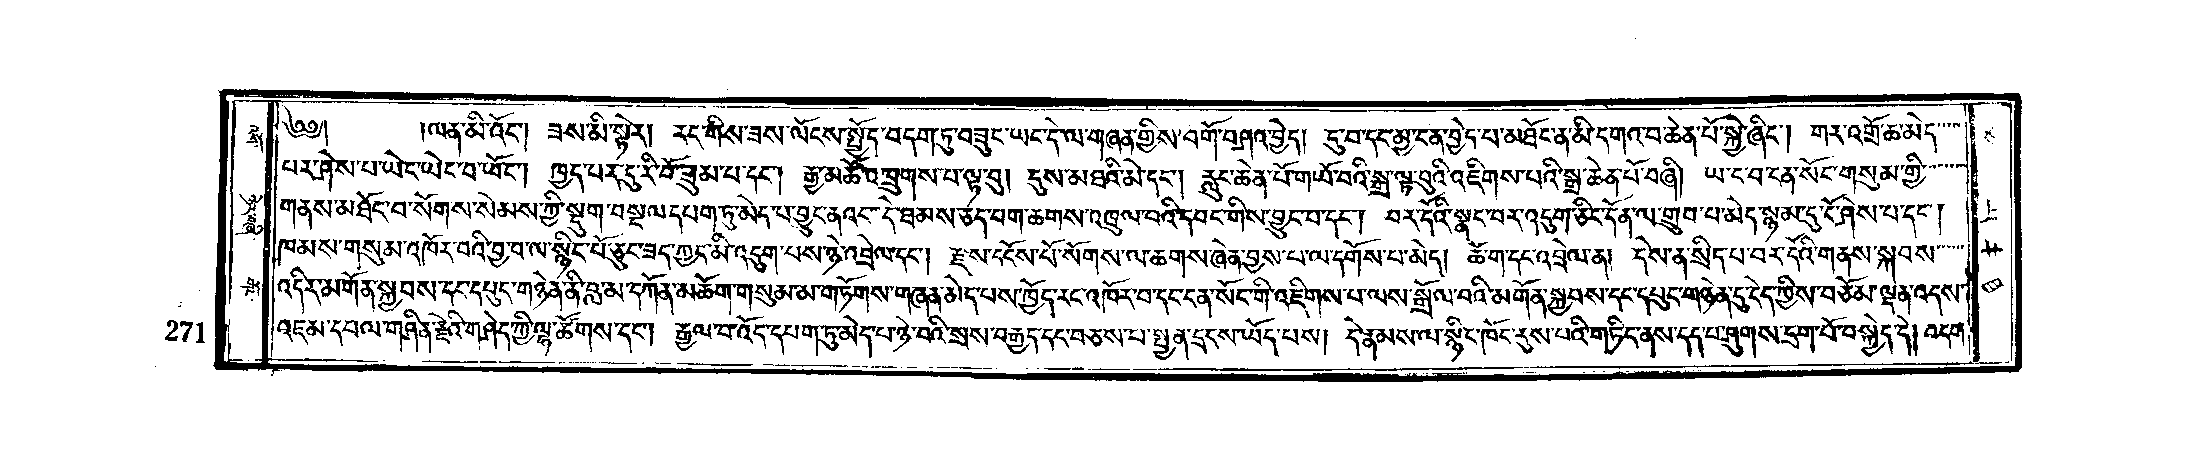༄༅། །ལན་མི་འོང་། ཟས་མི་སྟེར། རང་གིས་ཟས་ལོངས་སྤྱོད་བདག་ཏུ་བཟུང་ཡང་དེ་ལ་གཞན་གྱིས་བགོ་བཤའ་བྱེད། དུ་བ་དང་མྱ་ངན་བྱེད་པ་མཐོང་ན་མི་དགའ་བ་ཆེན་པོ་སྐྱེ་ཞིང་། གར་འགྲོ་ཆ་མེད་
པར་ཤེས་པ་ཡེང་ཡེང་བ་ཡོང་། ཁྱད་པར་དུ་རི་བོ་ཟུམ་པ་དང་། རྒྱ་མཚོ་འཁྲུགས་པ་ལྟ་བུ། དུས་མཐའི་མེ་དང་། རླུང་ཆེན་པོ་གཡོ་བའི་སྒྲ་ལྟ་བུའི་འཇིགས་པའི་སྒྲ་ཆེན་པོ་བཞི། ཡ་ང་བ་ངན་སོང་གསུམ་གྱི་
གནས་མཐོང་བ་སོགས་སེམས་ཀྱི་སྡུག་བསྔལ་དཔག་ཏུ་མེད་པ་བྱུང་ནའང་དེ་ཐམས་ཅད་བག་ཆགས་འཁྲུལ་བའི་དབང་གིས་བྱུང་བ་དང་། བར་དོའི་སྣང་བར་འདུག་ཅིང་དོན་ལ་གྲུབ་པ་མེད་སྙམ་དུ་ངོ་ཤེས་པ་དང་།
ཁམས་གསུམ་འཁོར་བའི་བྱ་བ་ལ་སྙིང་པོ་ཅུང་ཟད་ཀྱང་མི་འདུག་པས་ཉེ་འབྲེལ་དང་། རྫས་དངོས་པོ་སོགས་ལ་ཆགས་ཞེན་བྱས་པ་ལ་དགོས་པ་མེད། ཆོ་ག་དང་འབྲེལ་ན། དེས་ན་སྲིད་པ་བར་དོའི་གནས་སྐབས་
འདིར་མགོན་སྐྱབས་དང་དཔུང་གཉེན་ནི་བླ་མ་དཀོན་མཆོག་གསུམ་མ་གཏོགས་གཞན་མེད་པས་ཁྱོད་རང་འཁོར་བ་དང་ངན་སོང་གི་འཇིགས་པ་ལས་སྒྲོལ་བའི་མགོན་སྐྱབས་དང་དཔུང་གཉེན་དུ་ངེད་ཀྱིས་བཅོམ་ལྡན་འདས་
འཇམ་དཔལ་གཤིན་རྗེའི་གཤེད་ཀྱི་ལྷ་ཚོགས་དང་། རྒྱལ་བ་འོད་དཔག་ཏུ་མེད་པ་ཉེ་བའི་སྲས་བརྒྱད་དང་བཅས་པ་སྤྱན་དྲངས་ཡོད་པས། དེ་རྣམས་ལ་སྙིང་ཁོང་རུས་པའི་གཏིང་ནས་དད་པ་ཤུགས་དྲག་པོ་བསྐྱེད་དེ། བདག་